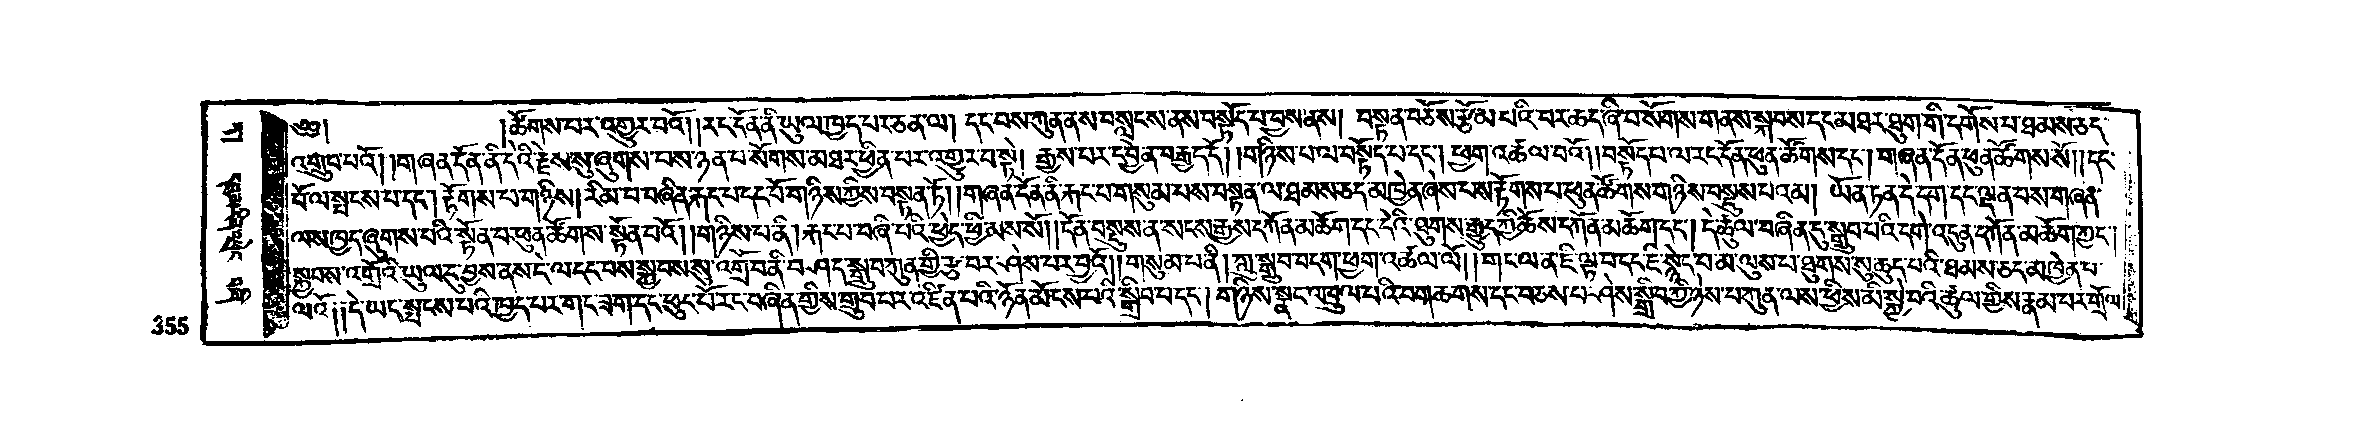༄༅། །ཚོགས་པར་འགྱུར་བའོ། །རང་དོན་ནི་ཡུལ་ཁྱད་པར་ཅན་ལ། དང་པས་ཀུན་ནས་བསླངས་ནས་བསྟོད་པ་བྱས་ནས། བསྟན་བཅོས་རྩོམ་པའི་བར་ཆད་ཞི་བ་སོགས་གནས་སྐབས་དང་མཐར་ཐུག་གི་དགོས་པ་ཐམས་ཅད་
འགྲུབ་པའོ། །གཞན་དོན་ནི་དེའི་རྗེས་སུ་ཞུགས་པས་ཉན་པ་སོགས་མཐར་ཕྱིན་པར་འགྱུར་བ་སྟེ། རྒྱས་པར་དབྱེ་ན་བརྒྱད་དོ། །གཉིས་པ་ལ་བསྟོད་པ་དང་། ཕྱག་འཚལ་བའོ། །བསྟོད་པ་ལ་རང་དོན་ཕུན་ཚོགས་དང་། གཞན་དོན་ཕུན་ཚོགས་སོ། །དང་
པོ་ལ་སྤངས་པ་དང་། རྟོགས་པ་གཉིས། རིམ་པ་བཞིན་རྐང་པ་དང་པོ་གཉིས་ཀྱིས་བསྟན་ཏོ། །གཞན་དོན་ནི་རྐང་པ་གསུམ་པས་བསྟན་ལ་ཐམས་ཅད་མཁྱེན་ཞེས་པས་རྟོགས་པ་ཕུན་ཚོགས་གཉིས་བསྡུས་པའམ། ཡོན་ཏན་དེ་དག་དང་ལྡན་པས་གཞན་
ལས་ཁྱད་ཞུགས་པའི་སྟོན་པ་ཕུན་ཚོགས་སྟོན་པའོ། །གཉིས་པ་ནི། རྐང་པ་བཞི་པའི་ཕྱེད་ཕྱི་མས་སོ། །དོན་བསྡུས་ན་སངས་རྒྱས་དཀོན་མཆོག་དང་དེའི་ཐུགས་རྒྱུད་ཀྱི་ཆོས་དཀོན་མཆོག་དང་། དེ་ཚུལ་བཞིན་དུ་སྒྲུབ་པའི་དགེ་འདུན་དཀོན་མཆོག་ཀྱང་།
སྐྱབས་འགྲོའི་ཡུལ་དུ་བྱས་ནས་དེ་ལ་དང་བས་སྐྱབས་སུ་འགྲོ་བ་ནི་བཤད་སྒྲུབ་ཀུན་གྱི་རྩ་བར་ཤེས་པར་བྱའོ། །གསུམ་པ་ནི། ཀླུ་སྒྲུབ་བདག་ཕྱག་འཚལ་ལོ། །གང་ལ་ན་ཇི་ལྟ་བ་དང་ཇི་སྙེད་པ་མ་ལུས་པ་ཐུགས་སུ་ཆུད་པའི་ཐམས་ཅད་མཁྱེན་པ་
ལའོ། །དེ་ཡང་སྤངས་པའི་ཁྱད་པར་གང་ཟག་དང་ཕུང་པོ་རང་བཞིན་གྱིས་གྲུབ་པར་འཛིན་པའི་ཉོན་མོངས་པའི་སྒྲིབ་པ་དང་། གཉིས་སྣང་འཁྲུལ་པའི་བག་ཆགས་དང་བཅས་པ་ཤེས་སྒྲིབ་ཀྱི་ཉེས་པ་ཀུན་ལས་ཕྱིས་མི་སྐྱེ་བའི་ཚུལ་གྱིས་རྣམ་པར་གྲོལ་